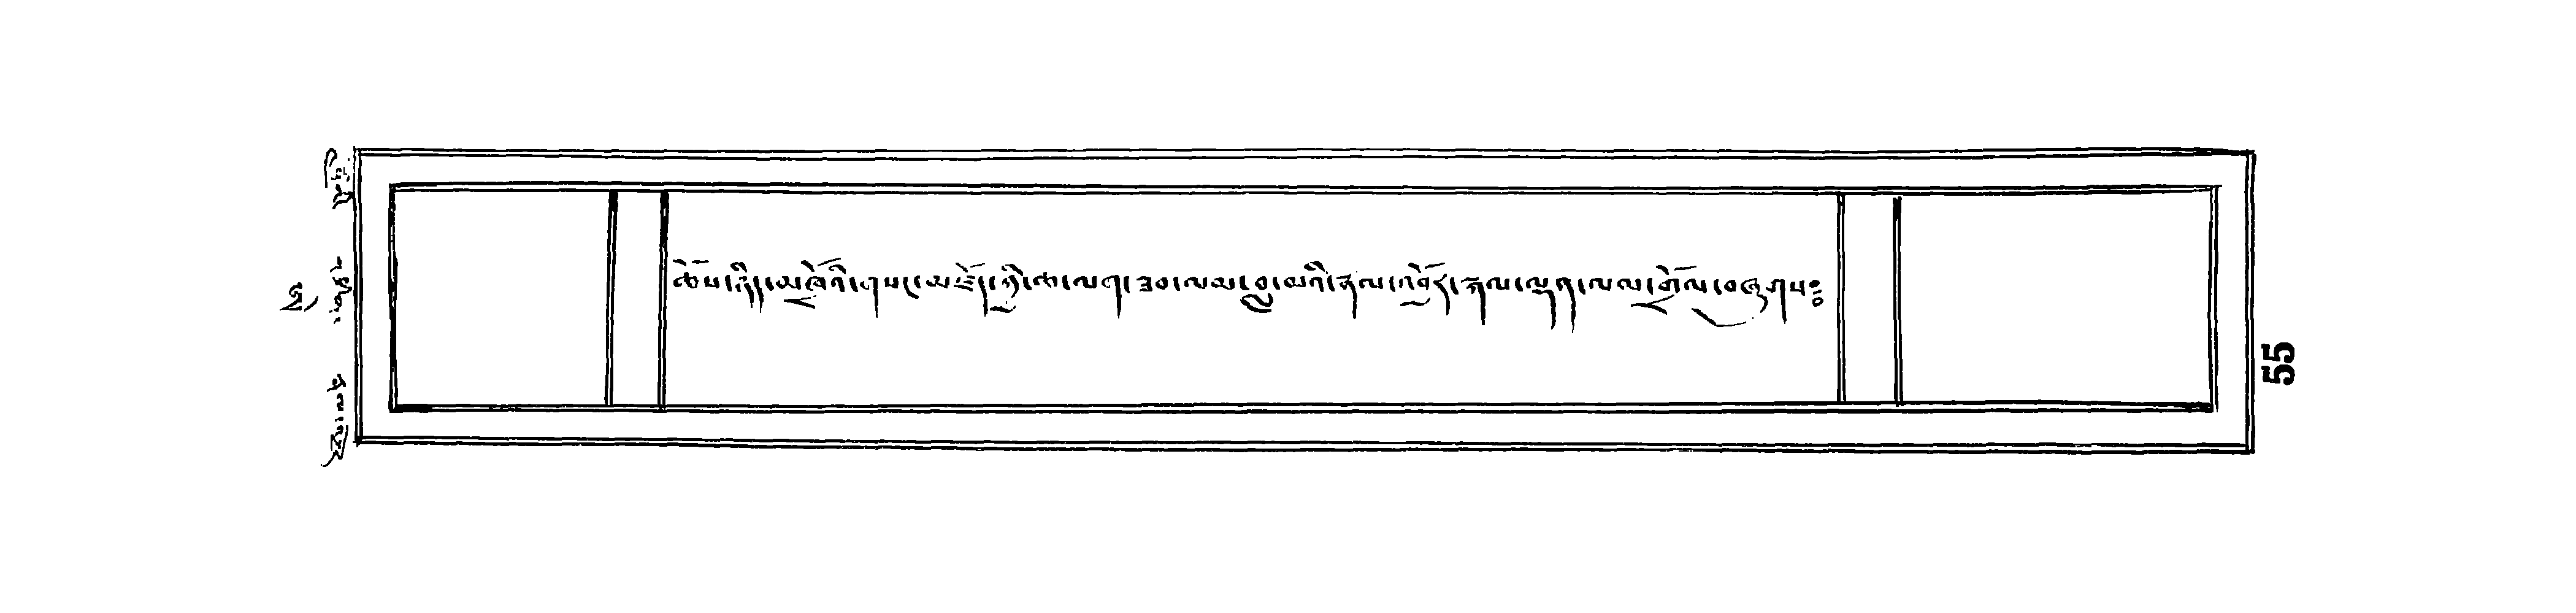ཆོས་ཉིད་མཁའ་འགྲོའི་གསང་མཛོད་ཀྱི་ཆ་ལག་ཟབ་ལམ་བླ་མའི་རྣལ་འབྱོར་སྐལ་ལྡན་ལམ་གྲོལ་བཞུགས༔